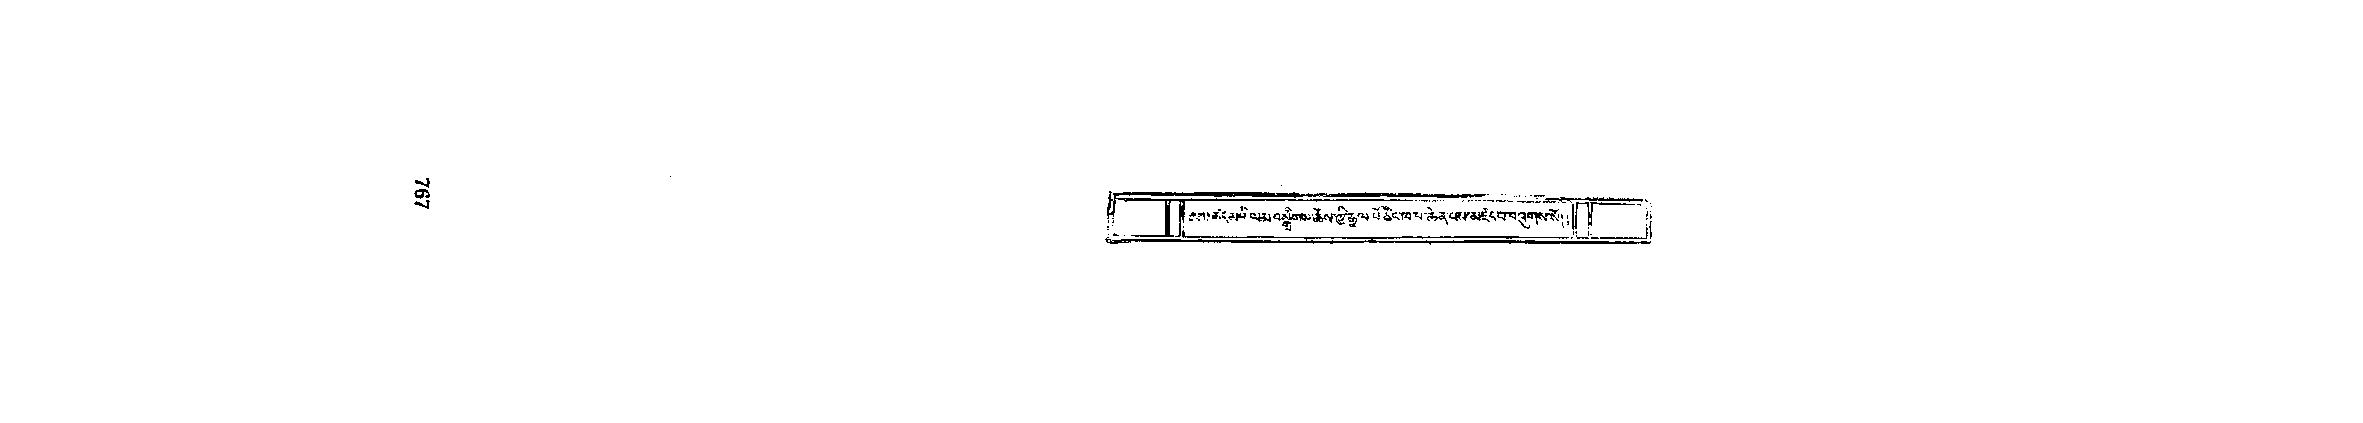༄༅། །ཚད་མའི་ལམ་བསྒྲིགས་ཆོས་ཀྱི་རྒྱལ་པོ་ཙོང་ཁ་པ་ཆེན་པས་མཛད་པ་བཞུགས་སོ། །